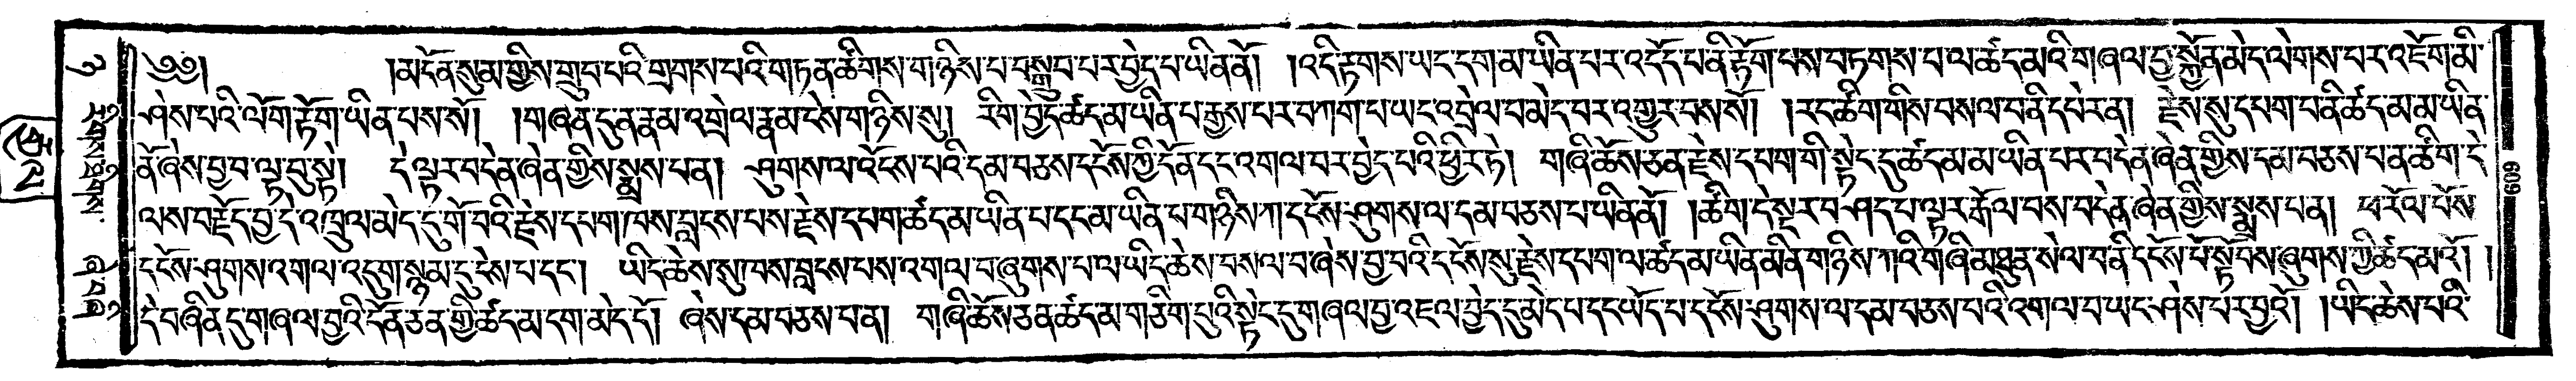༄༅། །མངོན་སུམ་གྱིས་གྲུབ་པའི་གྲགས་པའི་གཏན་ཚིགས་གཉིས་པ་བསྒྲུབ་པར་བྱེད་པ་ཡིན་ནོ། །འདི་རྟགས་ཡང་དག་མ་ཡིན་པར་འདོད་པ་ནི་རྟོག་པས་བཏགས་པ་ལ་ཚད་མའི་གཞལ་བྱ་སྐྱོན་མེད་ལེགས་པར་འཇོག་མི་
ཤེས་པའི་ལོག་རྟོག་ཡིན་པས་སོ། །གཞན་དུ་ན་རྣམ་འགྲེལ་རྣམ་ངེས་གཉིས་སུ། རིག་བྱེད་ཚད་མ་ཡིན་པ་རྒྱས་པར་བཀག་པ་ཡང་འབྲེལ་བ་མེད་བར་འགྱུར་བས་སོ། །རང་ཚིག་གིས་བསལ་བ་ནི་དཔེར་ན། རྗེས་སུ་དཔག་པ་ནི་ཚད་མ་མ་ཡིན་
ནོ་ཞེས་བྱ་བ་ལྟ་བུ་སྟེ། དེ་ལྟར་བདེན་ཞེན་གྱིས་སྨྲས་པ་ན། ཤུགས་ལ་འོངས་པའི་དམ་བཅས་དངོས་ཀྱི་དོན་དང་འགལ་བར་བྱེད་པའི་ཕྱིར་ཏེ། གཞི་ཆོས་ཅན་རྗེས་དཔག་གི་སྟེང་དུ་ཚད་མ་མ་ཡིན་པར་བདེན་ཞེན་གྱིས་དམ་བཅས་པ་ན་ཚིག་དེ་
ལས་བརྗོད་བྱ་དེ་འཁྲུལ་མེད་དུ་གོ་བའི་རྗེས་དཔག་ཁས་བླངས་པས་རྗེས་དཔག་ཚད་མ་ཡིན་པ་དང་མ་ཡིན་པ་གཉིས་ཀ་དངོས་ཤུགས་ལ་དམ་བཅས་པ་ཡིན་ནོ། །ཚིག་དེ་སྔར་བཤད་པ་ལྟར་རྒོལ་བས་བདེན་ཞེན་གྱིས་སྨྲས་པ་ན། ཕ་རོལ་པོས་
དངོས་ཤུགས་འགལ་འདུག་སྙམ་དུ་ངེས་པ་དང་། ཡིད་ཆེས་སུ་ཁས་བླངས་པས་འགལ་བ་ཞུགས་པ་ལ་ཡིད་ཆེས་བསལ་བ་ཞེས་བྱ་བའི་དངོས་སུ་རྗེས་དཔག་ལ་ཚད་མ་ཡིན་མིན་གཉིས་ཀའི་གཞི་མཐུན་སེལ་བ་ནི་དངོས་པོ་སྟོབས་ཞུགས་ཀྱི་ཚད་མའོ།།
དེ་བཞིན་དུ་གཞལ་བྱའི་དོན་ཅན་གྱི་ཚད་མ་དག་མེད་དོ། ཞེས་དམ་བཅས་པ་ན། གཞི་ཆོས་ཅན་ཚད་མ་གཅིག་པུའི་སྟེང་དུ་གཞལ་བྱ་འཇལ་བྱེད་དུ་མེད་པ་དང་ཡོད་པ་དངོས་ཤུགས་ལ་དམ་བཅས་པའི་འགལ་བ་ཡང་ཤེས་པར་བྱའོ། །ཡིད་ཆེས་པའི་